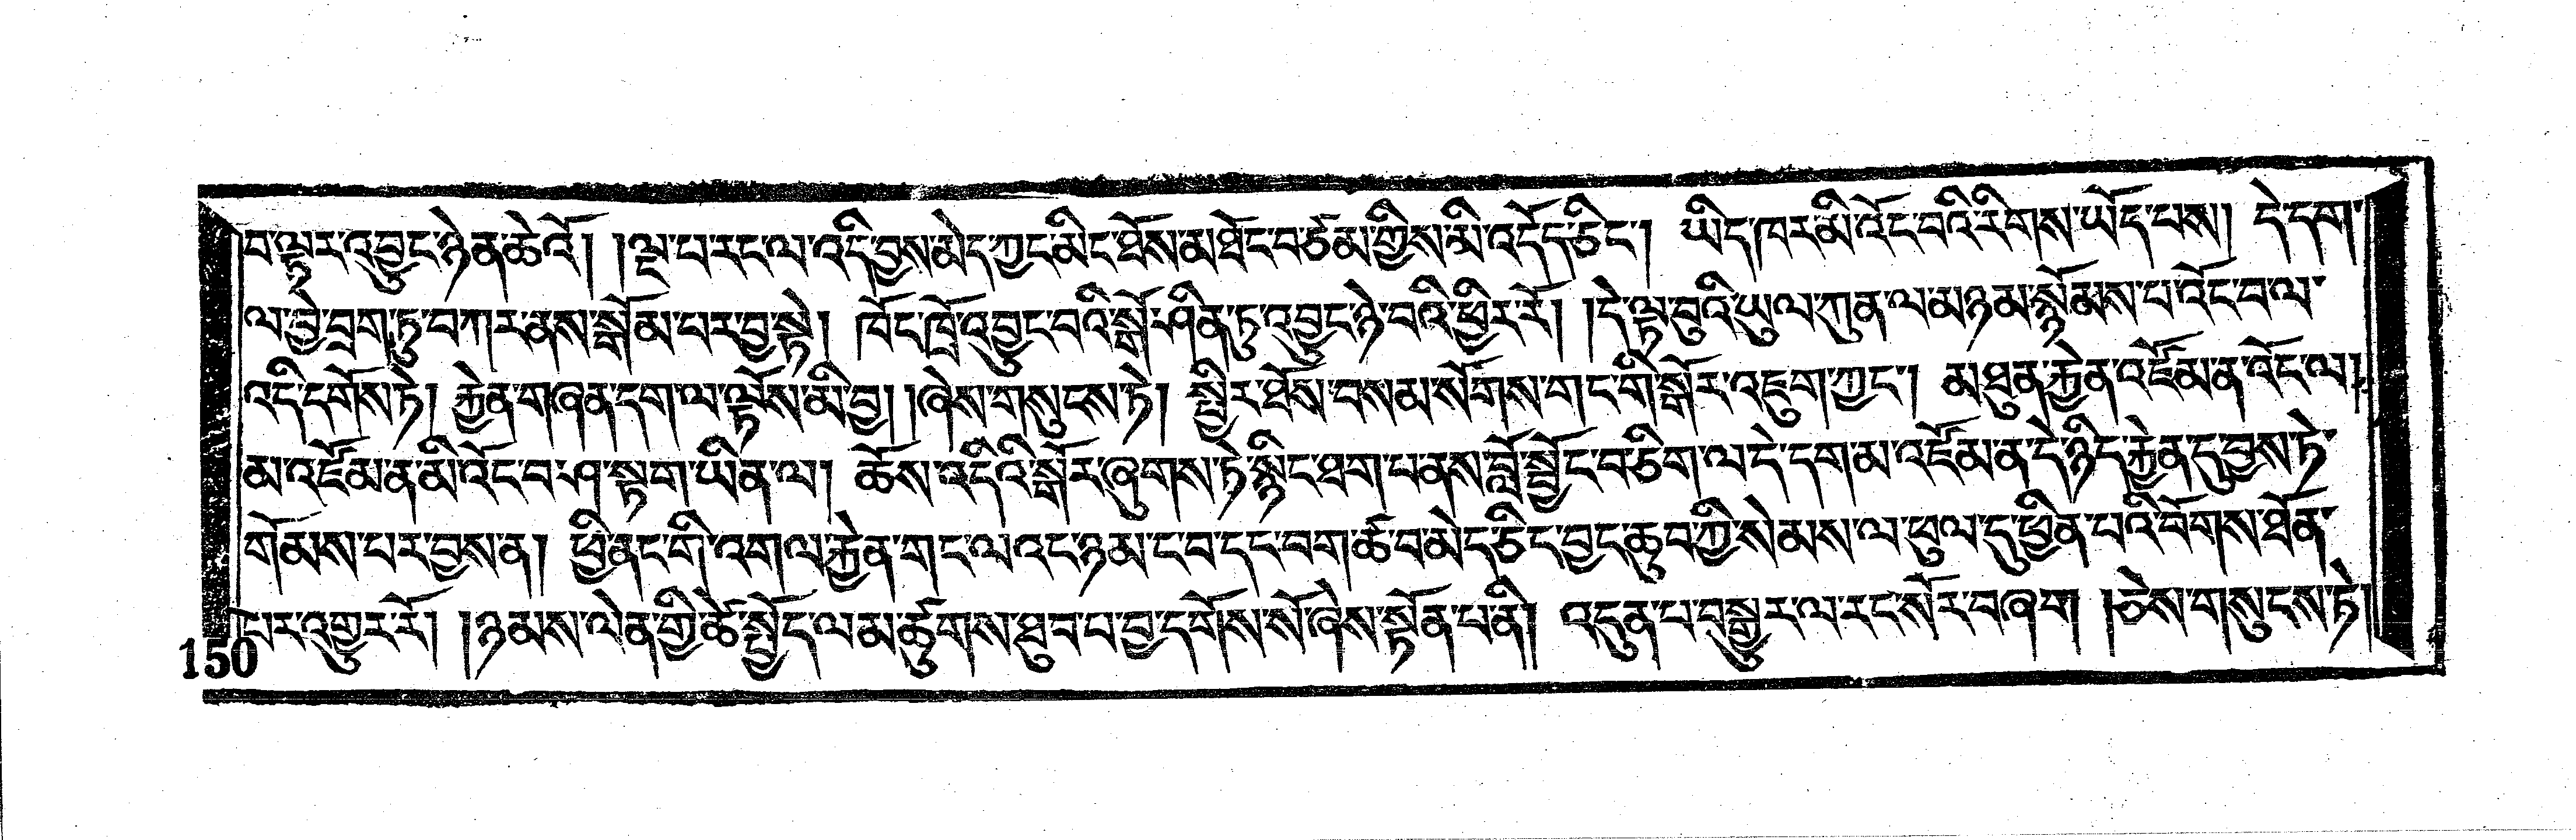བ་ལྟར་འབྱུང་ཉེན་ཆེའོ། །ལྔ་པ་རང་ལ་འདི་བྱས་མེད་ཀྱང་མིང་ཐོས་མཐོང་བ་ཙམ་གྱིས་མི་འདོད་ཅིང་། ཡིད་ཁར་མི་འོང་བའི་རིགས་ཡོད་པས། དེ་དག་
ལ་བྱེ་བྲག་ཏུ་བཀར་ནས་སྒོམ་པར་བྱ་སྟེ། ཁོང་ཁྲོ་འབྱུང་བའི་སྒོ་ཤིན་ཏུ་འབྱུང་ཉེ་བའི་ཕྱིར་རོ། །དེ་ལྟ་བུའི་ཡུལ་ཀུན་ལ་མཉམ་སྙོམས་པ་འོང་བ་ལ་
འདི་དགོས་ཏེ། རྐྱེན་གཞན་དག་ལ་ལྟོས་མི་བྱ། །ཞེས་གསུངས་ཏེ། སྤྱིར་ཐོས་བསམ་སོགས་གང་གི་སྒོར་འཇུག་ཀྱང་། མཐུན་རྐྱེན་འཛོམ་ན་འོང་ལ།
མ་འཛོམ་ན་མི་འོང་བ་ཤ་སྟག་ཡིན་ལ། ཆོས་འདིའི་སྒོར་ཞུགས་ཏེ་སྙིང་ཐག་པ་ནས་བློ་སྦྱོང་བ་ཅིག་ལ་དེ་དག་མ་འཛོམ་ན་དེ་ཉིད་རྐྱེན་དུ་བྱས་ཏེ་
གོམས་པར་བྱས་ན། ཕྱི་ནང་གི་འགལ་རྐྱེན་གང་ལའང་ཉམ་ང་བ་དང་བག་ཚ་བ་མེད་ཅིང་བྱང་ཆུབ་ཀྱི་སེམས་ལ་ཕུལ་དུ་ཕྱིན་པའི་བོགས་ཐོན་
པར་འགྱུར་རོ། །ཉམས་ལེན་གྱི་ཚེ་སྤྱོད་ལམ་ཚུགས་ཐུབ་པ་བྱ་དགོས་སོ་ཞེས་སྟོན་པ་ནི། འདུན་པ་བསྒྱུར་ལ་རང་སོར་བཞག །ཅེས་གསུངས་ཏེ།